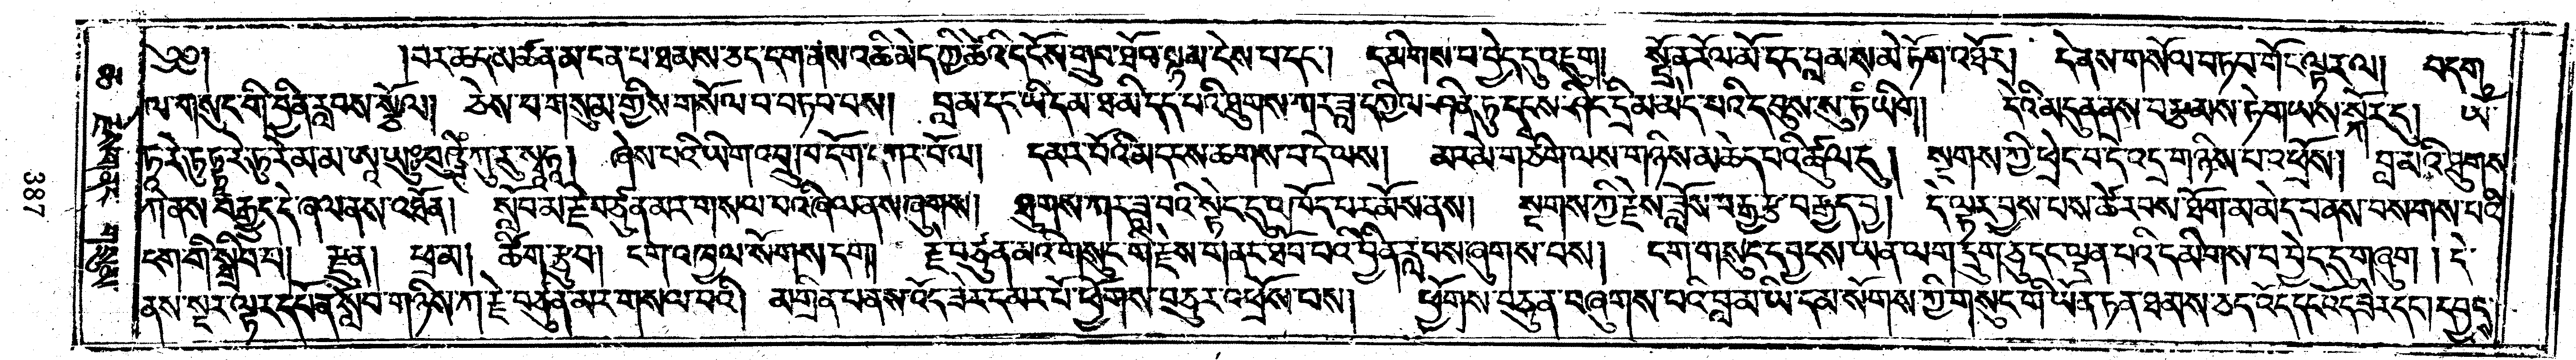༄༅། །བར་ཆད་མཚན་མ་ངན་པ་ཐམས་ཅད་དག་ནས་འཆི་མེད་ཀྱི་ཚེའི་དངོས་གྲུབ་ཐོབ་སྙམ་ངེས་པ་དང་། དམིགས་བ་བྱེད་དུ་འཇུག། སྦྲོ་ན་རོལ་མོ་དང་བླ་མས་མེ་ཏོག་འཐོར། དེ་ནས་གསོལ་བཏབ་གོང་ལྟར་ལ། བདག་
ལ་གསུང་གི་བྱིན་རླབས་སྩོལ། ཅེས་པ་གསུམ་གྱིས་གསོལ་བ་བཏབ་པས། བླ་མ་དང་ཡི་དམ་ཐ་མི་དད་པའི་ཐུགས་ཀར་ཟླ་དཀྱིལ་ཤིན་ཏུ་དྭངས་ཤིང་དྲི་མ་མེད་པའི་དབུས་སུ་ཏཾ་ཡིག། དེའི་མདུན་ནས་བརྩམས་ཏེ་གཡས་སྐོར་དུ། ཡོཾ་
ཏཱ་རེ་ཏུཏྟཱ་རེ་ཏུ་རེ་མ་མ་ཨཱ་ཡུཿ བུཥྚིཾ་ཀུ་རུ་སྭཱ་ཧཱ། ཞེས་པའི་ཡིག་འབྲུ་ཁ་དོག་དཀར་བོ་ལ། དམར་པོའི་མདངས་ཆགས་པ་དེ་ལས། མར་མེ་གཅིག་ལས་གཉིས་མཆེད་པའི་ཚུལ་དུ། སྔགས་ཀྱི་ཕྲེང་བ་དེ་འདྲ་གཉིས་པ་འཕྲོས། བླ་མའི་ཐུགས་
ཀ་ནས་བརྒྱུད་དེ་ཞལ་ནས་འཐོན། སློབ་མ་རྗེ་བཙུན་མར་གསལ་བའི་ཞལ་ནས་ཞུགས། ཐུགས་ཀར་ཟླ་བའི་སྟེང་དུ་འཁོད་པར་མོས་ནས། སྔགས་ཀྱི་རྗེས་ཟློས་བརྒྱ་རྩ་བརྒྱད་བྱ། དེ་ལྟར་བྱས་པས་ཚེ་རབས་ཐོག་མ་མེད་པ་ནས་བསགས་པའི་
ངག་གི་སྒྲིབ་པ། རྫུན། ཕྲ་མ། ཚིག་རྩུབ། ངག་འཁྱལ་སོགས་དག། རྗེ་བཙུན་མའི་གསུང་གི་རྗེས་གནང་ཐོབ་པའི་བྱིན་རླབས་ཞུགས་པས། ངག་གསུང་དབྱངས་ཡན་ལག་དྲུག་ཅུ་དང་ལྡན་པའི་དམིགས་བ་བྱེད་དུ་གཞུག །དེ་
ནས་སྔར་ལྟར་དཔོན་སློབ་གཉིས་ཀ་རྗེ་བཙུན་མར་གསལ་བའི། མགྲིན་པ་ནས་འོད་ཟེར་དམར་པོ་ཕྱོགས་བཅུར་འཕྲོས་བས། ཕྱོགས་བཅུ་ན་བཞུགས་པའི་བླ་མ་ཡི་དམ་སོགས་ཀྱི་གསུང་གི་ཡོན་ཏན་ཐམས་ཅད་འོད་དང་འོད་ཟེར་དང་། དབྱངས་